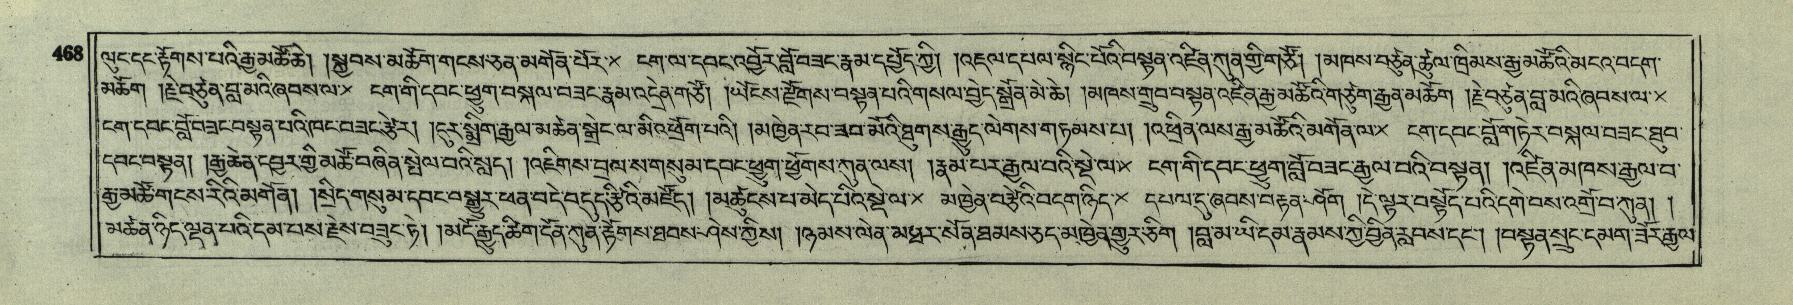ལུང་དང་རྟོགས་པའི་རྒྱ་མཚོ་ཆེ། །སྐྱབས་མཆོག་གངས་ཅན་མགོན་པོར་྾་ངག་ལ་དབང་འབྱོར་བློ་བཟང་རྣམ་དཔྱོད་ཀྱི། །འཇམ་དཔལ་སྙིང་པོའི་བསྟན་འཛིན་ཀུན་གྱི་གཙོ། །མཁས་བཙུན་ཚུལ་ཁྲིམས་རྒྱ་མཚོའི་མངའ་བདག་
མཆོག །རྗེ་བཙུན་བླ་མའི་ཞབས་ལ་྾་ངག་གི་དབང་ཕྱུག་བསྐལ་བཟང་རྣམ་འདྲེན་གཙོ། །ཡོངས་རྫོགས་བསྟན་པའི་གསལ་བྱེད་སྒྲོན་མེ་ཆེ། །མཁས་གྲུབ་བསྟན་འཛིན་རྒྱ་མཚོའི་གཙུག་རྒྱན་མཆོག །རྗེ་བཙུན་བླ་མའི་ཞབས་ལ་྾་
ངག་དབང་བློ་བཟང་བསྟན་པའི་ཁང་བཟང་རྩེར། །ངུར་སྨྲིག་རྒྱལ་མཚན་སྒྲེང་ལ་མི་འཕྲོག་པའི། །མཁྱེན་རབ་ཟབ་མོའི་ཐུགས་རྒྱུད་ལེགས་གཏམས་པ། །འཕྲིན་ལས་རྒྱ་མཚོའི་མགོན་ལ་྾་ངག་དབང་བློ་གཏེར་བསྐལ་བཟང་ཐུབ་
དབང་བསྟན། །རྒྱ་ཆེན་དབྱར་གྱི་མཚོ་བཞིན་སྤེལ་བའི་སླད། །འཇིགས་བྲལ་ས་གསུམ་དབང་ཕྱུག་ཕྱོགས་ཀུན་ལས། །རྣམ་པར་རྒྱལ་བའི་སྡེ་ལ་྾་ངག་གི་དབང་ཕྱུག་བློ་བཟང་རྒྱལ་བའི་བསྟན། །འཛིན་མཁས་རྒྱལ་བ་
རྒྱ་མཚོ་གངས་རིའི་མགོན། །སྲིད་གསུམ་དབང་བསྒྱུར་ཕན་བདེ་བདུད་རྩིའི་མཛོད། །མཚུངས་པ་མེད་པའི་སྡེ་ལ་྾་མཁྱེན་བརྩེའི་བདག་ཉིད་྾་དཔལ་དུ་ཞབས་བརྟན་ཤོག །དེ་ལྟར་བསྟོད་པའི་དགེ་བས་འགྲོ་བ་ཀུན། །
མཚན་ཉིད་ལྡན་པའི་དམ་པས་རྗེས་བཟུང་ཏེ། །མདོ་རྒྱུད་ཚིག་དོན་ཀུན་རྟོགས་ཐབས་ཤེས་ཀྱིས། །ཉམས་ལེན་མཐར་སོན་ཐམས་ཅད་མཁྱེན་གྱུར་ཅིག །བླ་མ་ཡི་དམ་རྣམས་ཀྱི་བྱིན་རླབས་དང་། །བསྟན་སྲུང་དམག་ཟོར་རྒྱལ་